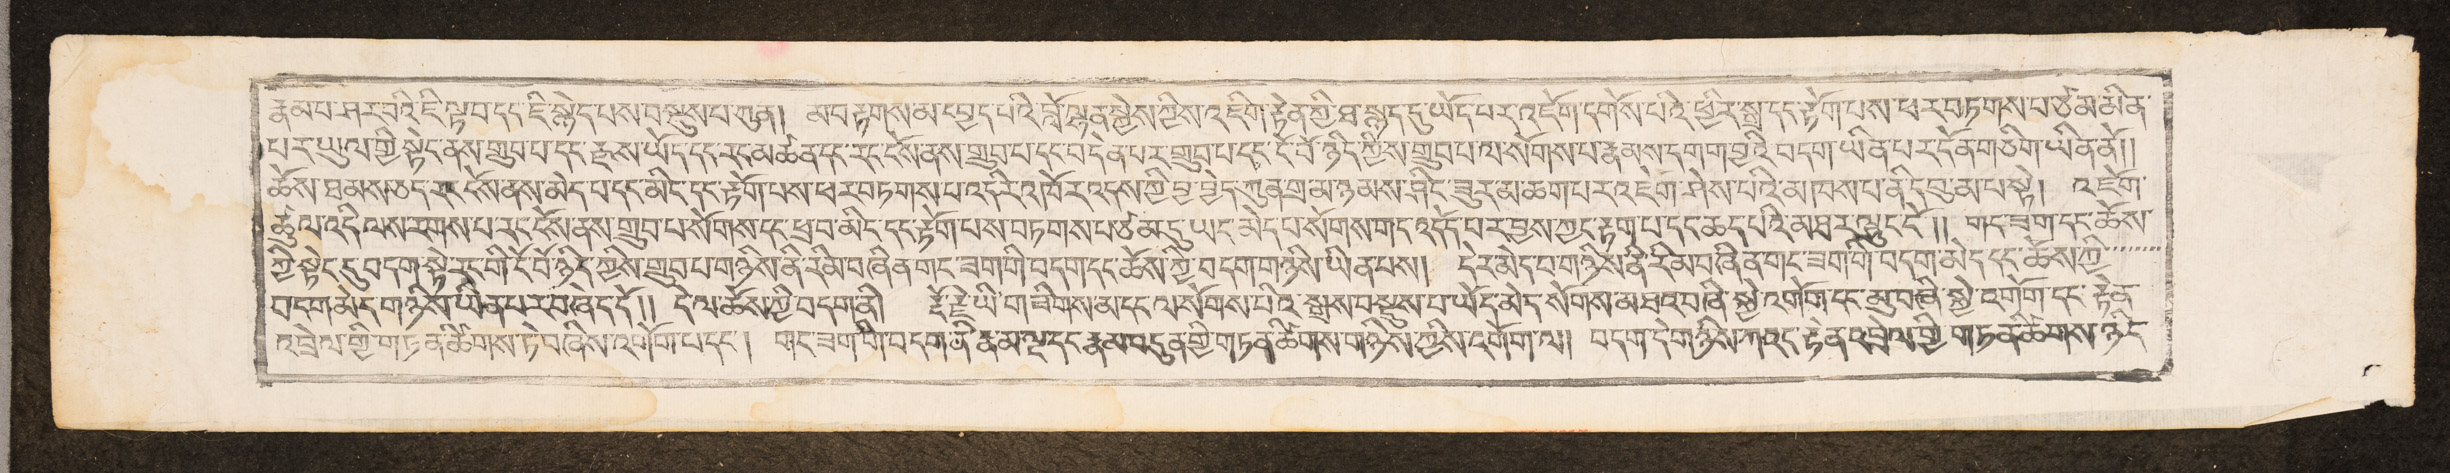རྣམ་པ་ཤར་བའི་ཇི་ལྟ་བ་དང་ཇི་སྙེད་པས་བསྡུས་པ་ཀུན། མ་བརྟགས་མ་དཔྱད་པའི་བློ་ལྷན་སྐྱེས་ཀྱིས་འཇིག་རྟེན་གྱི་ཐ་སྙད་དུ་ཡོད་པར་འཇོག་དགོས་པའི་ཕྱིར་སྒྲ་དང་རྟོག་པས་ཕར་བཏགས་པ་ཙམ་མིན་
པར་ཡུལ་གྱི་སྟེང་ནས་གྲུབ་པ་དང་རྫས་ཡོད་དང་རང་མཚན་དང་རང་སྔོས་ནས་གྲུབ་པ་དང་བདེན་པར་གྲུབ་པ་དང་ངོ་བོ་ཉིད་ཀྱིས་གྲུབ་པ་ལ་སོགས་པ་རྣམས་དགག་བྱའི་བདག་ཡིན་པར་དོན་གཅིག་ཡིན་ནོ། །
ཆོས་ཐམས་ཅད་རང་ངོས་ནས་མེད་པ་དང་མིང་དང་རྟོག་པས་ཕར་བཏགས་པ་འདིར་འཁོར་འདས་ཀྱི་བྱ་བྱེད་ཀུན་གྲ་མ་ཉམས་ཤིང་ཟུར་མ་ཆགས་པར་འཇོག་ཤེས་པའི་མཁས་པ་ནི་དབུ་མ་པ་སྟེ། འཇོག་
ཚུལ་འདི་ལས་རགས་པ་རང་ངོས་ནས་གྲུབ་པ་སོགས་དང་ཕྲ་བ་མིང་དང་རྟོག་པས་བཏགས་པ་ཙམ་དུ་ཡང་མེད་པ་སོགས་གང་འདོད་པར་བྱས་ཀྱང་རྟག་པ་དང་ཆད་པའི་མཐར་ལྷུང་ངོ། །གང་ཟག་དང་ཆོས་
ཀྱི་སྟེང་དུ་བདག་སྟེ་རང་གི་ངོ་བོ་ཉིད་ཀྱིས་གྲུབ་པ་གཉིས་ནི་རིམ་བཞིན་གང་ཟག་གི་བདག་དང་ཆོས་ཀྱི་བདག་གཉིས་ཡིན་པས། དེར་མེད་པ་གཉིས་ནི་རིམ་བཞིན་གང་ཟག་གི་བདག་མེད་དང་ཆོས་ཀྱི་
བདག་མེད་གཉིས་ཡིན་པར་བཞེད་དོ། །དེ་ལ་ཆོས་ཀྱི་བདག་ནི། རྡོ་རྗེ་ཡི་གཟིགས་མ་དང་ལ་སོགས་པའི་སྒྲས་བསྡུས་པ་ཡོད་མེད་སོགས་མཐའ་བཞི་སྐྱེ་འགོག་དང་མུ་བཞི་སྐྱེ་འགོག་དང་རྟེན།
འབྲེལ་གྱི་གཏན་ཚིགས་ཏེ་བཞིས་འགོག་པ་དང་། གང་ཟག་གི་བདག་ནི་རྣ་མ་ལྔ་དང་རྣམ་བདུན་གྱི་གཏན་ཚིགས་གཉིས་ཀྱིས་འགོག་ལ། བདག་དེ་གཉིས་ཀའང་རྟེན་འབྲེལ་གྱི་གཏན་ཚིགས་ཉིད་